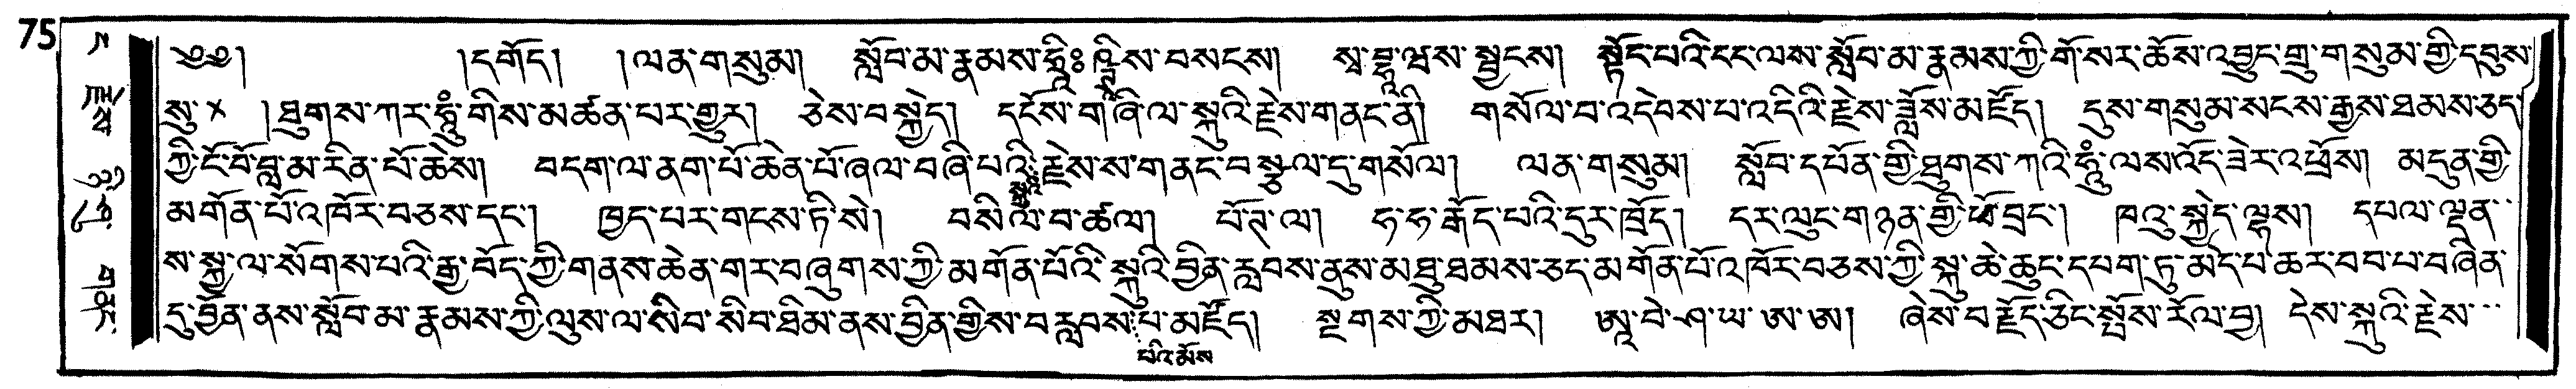༄༅། །དགོད། །ལན་གསུམ། སློབ་མ་རྣམས་ཧྲཱིཿ ཥྚྲཱིས་བསངས། སྭ་བྷཱ་ཝས་སྦྱངས། སྟོང་པའི་ངང་ལས་སློབ་མ་རྣམས་ཀྱི་གོ་སར་ཆོས་འབྱུང་གྲུ་གསུམ་གྱི་དབུས་
སུ་+། ཐུགས་ཀར་ཧཱུཾ་གིས་མཚན་པར་གྱུར། ཅེས་བསྐྱེད། དངོས་གཞི་ལ་སྐུའི་རྗེས་གནང་ནི། གསོལ་བ་འདེབས་པ་འདིའི་རྗེས་ཟློས་མཛོད། དུས་གསུམ་སངས་རྒྱས་ཐམས་ཅད་
ཀྱི་ངོ་བོ་བླ་མ་རིན་པོ་ཆེས། བདག་ལ་ནག་པོ་ཆེན་པོ་ཞལ་བཞི་པའི་སྐུའི་རྗེས་ས་གནང་བསྩལ་དུ་གསོལ། ལན་གསུམ། སློབ་དཔོན་གྱི་ཐུགས་ཀའི་ཧཱུཾ་ལས་འོད་ཟེར་འཕྲོས། མདུན་གྱི་
མགོན་པོ་འཁོར་བཅས་དང་། ཁྱད་པར་གངས་ཏི་སེ། བསིལ་བ་ཚལ། པོ་ཊ་ལ། ཧ་ཧ་རྒོད་པའི་དུར་ཁྲོད། དར་ལུང་གཉན་གྱི་ཕོ་བྲང་། ཁའུ་སྐྱེད་ལྷས། དཔལ་ལྡན་
ས་སྐྱ་ལ་སོགས་པའི་རྒྱ་བོད་ཀྱི་གནས་ཆེན་གར་བཞུགས་ཀྱི་མགོན་པོའི་སྐུའི་བྱིན་རླབས་ནུས་མཐུ་ཐམས་ཅད་མགོན་པོ་འཁོར་བཅས་ཀྱི་སྐུ་ཆེ་ཆུང་དཔག་ཏུ་མེད་པ་ཆར་བབ་པ་བཞིན་
དུ་བྱོན་ནས་སློབ་མ་རྣམས་ཀྱི་ལུས་ལ་སིབ་སིབ་ཐིམ་ནས་བྱིན་གྱིས་བརླབས་པའི་མོས་པ་མཛོད། སྔགས་ཀྱི་མཐར། ཨཱ་བེ་ཤ་ཡ་ཨ་ཨ། ཞེས་བརྗོད་ཅིང་སྤོས་རོལ་བྱ། དེས་སྐུའི་རྗེས་